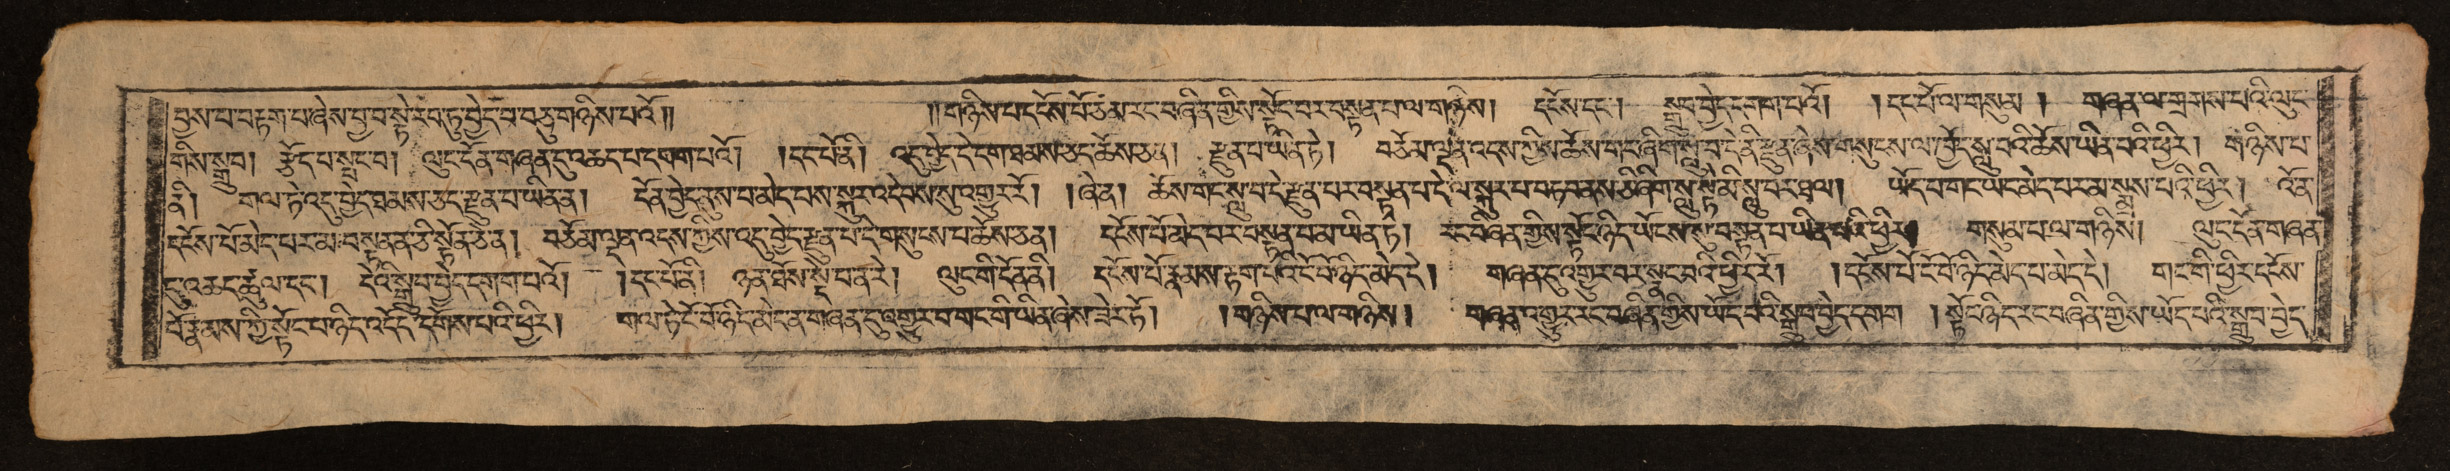བྱས་པ་བརྟག་པ་ཞེས་བྱ་བ་སྟེ་རབ་ཏུ་བྱེད་པ་བཅུ་གཉིས་པའོ།། །།གཉིས་པ་དངོས་པོ་ཙམ་རང་བཞིན་གྱིས་སྟོང་པར་བསྟན་པ་ལ་གཉིས། དངོས་དང་། སྒྲུབ་བྱེད་དགག་པའོ། །དང་པོ་ལ་གསུམ། གཞན་ལ་གྲགས་པའི་ལུང་
གིས་སྒྲུབ། རྩོད་པ་སྤང་བ། ལུང་དོན་གཞན་དུ་འཆད་པ་དགག་པའོ། །དང་པོ་ནི། འདུ་བྱེད་དེ་དག་ཐམས་ཅད་ཆོས་ཅན། རྫུན་པ་ཡིན་ཏེ། བཅོམ་ལྡན་འདས་ཀྱིས་ཆོས་གང་ཞིག་སླུ་བ་དེ་ནི་རྫུན་ཞེས་གསུངས་ལ་ཁྱོད་སླུ་བའི་ཆོས་ཡིན་པའི་ཕྱིར། གཉིས་པ་
ནི། གལ་ཏེ་འདུ་བྱེད་ཐམས་ཅད་རྫུན་པ་ཡིན་ན། དོན་བྱེད་ནུས་པ་མེད་པས་སྐུར་འདེབས་སུ་འགྱུར་རོ། །ཞེ་ན། ཆོས་གང་སླུ་བ་དེ་རྫུན་པར་བསྟན་པ་དེ་ལ་སྐུར་པ་བཏབ་ནས་ཅི་ཞིག་སླུ་སྟེ་མི་སླུ་བར་ཐལ། ཡོད་པ་གང་ཡང་མེད་པར་མ་སྨྲས་པའི་ཕྱིར། འོ་ན་
དངོས་པོ་མེད་པར་མ་བསྟན་ན་ཅི་སྟོན་ཅེ་ན། བཅོམ་ལྡན་འདས་ཀྱིས་འདུ་བྱེད་རྫུན་པ་དེ་གསུངས་པ་ཆོས་ཅན། དངོས་པོ་མེད་པར་བསྟན་པ་མ་ཡིན་ཏེ། རང་བཞིན་གྱིས་སྟོང་ཉིད་ཡོངས་སུ་བསྟན་པ་ཡིན་པའི་ཕྱིར། གསུམ་པ་ལ་གཉིས། ལུང་དོན་གཞན་
དུ་འཆད་ཚུལ་དང་། དེའི་སྒྲུབ་བྱེད་དགག་པའོ། །དང་པོ་ནི། ཉན་ཐོས་སྡེ་པ་ན་རེ། ལུང་གི་དོན་ནི། དངོས་པོ་རྣམས་རྟག་པའི་ངོ་བོ་ཉིད་མེད་དེ། གཞན་དུ་འགྱུར་བར་སྣང་བའི་ཕྱིར་རོ། །དངོས་པོ་ངོ་བོ་ཉིད་མེད་པ་མེད་དེ། གང་གི་ཕྱིར་དངོས་
པོ་རྣམས་ཀྱི་སྟོང་པ་ཉིད་འདོད་དགོས་པའི་ཕྱིར། གལ་ཏེ་ངོ་བོ་ཉིད་མེད་ན་གཞན་དུ་འགྱུར་བ་གང་གི་ཡིན་ཞེས་ཟེར་ཏོ། །གཉིས་པ་ལ་གཉིས། གཞན་འགྱུར་རང་བཞིན་གྱིས་ཡོད་པའི་སྒྲུབ་བྱེད་དགག །སྟོང་ཉིད་རང་བཞིན་གྱིས་ཡོད་པའི་སྒྲུབ་བྱེ་